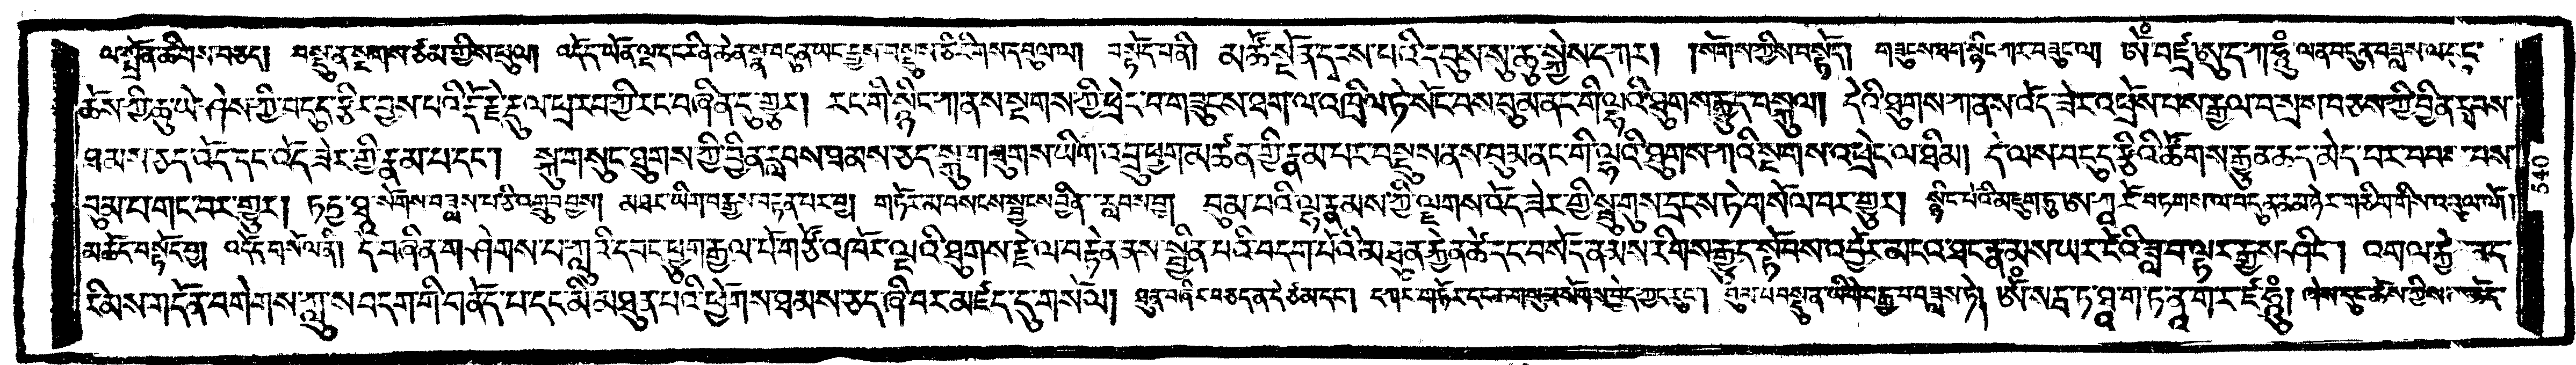ལ་སྤྲོན་ཚིགས་བཅད། བསྡུན་སྔགས་ཙམ་གྱིས་ཕུལ། འདོད་ཡོན་ལྔ་དང་རིན་ཆེན་སྣ་བདུན་ཡང་རྒྱས་བསྡུས་ཅི་རིགས་དབུལ་ལ། བསྟོད་པ་ནི། མཚོ་སྔོན་དྭངས་པའི་དབུས་སུ་ཆུ་སྐྱེས་དཀར། །སོགས་ཀྱིས་བསྟོད། གཟུངས་ལག་སྙིང་ཀར་བཟུང་ལ། ཨོཾ་བཛྲ་ཨུད་ཀ་ཧཱུཾ་ལན་བདུན་བཟླས་ལ་དུང་
ཆོས་ཀྱི་ཆུ་ཡེ་ཤེས་ཀྱི་བདུད་རྩིར་བྱས་པའི་རྡོ་རྗེ་རྡུལ་ཕྲ་རབ་ཀྱི་རང་བཞིན་དུ་གྱུར། རང་གི་སྙིང་ཀ་ནས་སྔགས་ཀྱི་ཕྲེང་བ་གཟུངས་ཐག་ལ་འཁྲིལ་ཏེ་སོང་བས་བུམ་ནང་གི་ལྷའི་ཐུགས་རྒྱུད་བསྐུལ། དེའི་ཐུགས་ཀ་ནས་འོད་ཟེར་འཕྲོས་པས་རྒྱལ་བ་སྲས་ཁ་ཅས་ཀྱི་བྱིན་རླབས་
ཐམས་ཅད་འོད་དང་འོད་ཟེར་གྱི་རྣམ་པ་དང་། སྐུ་གསུང་ཐུགས་ཀྱི་བྱིན་རླབས་ཐམས་ཅད་སྐུ་གཟུགས་ཡིག་འབྲུ་ཕྱག་མཚན་གྱི་རྣམ་པར་བསྡུས་ནས་བུམ་ནང་གི་ལྷའི་ཐུགས་ཀའི་སྔགས་འཕྲེང་ལ་ཐིམ། དེ་ལས་བདུད་རྩིའི་ཚོགས་རྒྱུ་མཆད་མེད་པར་བབས་པས་
བུམ་པ་གང་བར་གྱུར། ཏཌྱ་ཐཱ་སོགས་བཟླས་པ་ཅི་འགྲུབ་བྱས། མཐར་ཡིག་བརྒྱས་བརྟན་པར་བྱ། གཏོར་མ་བསངས་སྦྱངས་བྱིན་རླབས་བྱ། བུམ་པའི་ལྷ་རྣམས་ཀྱི་ལྗགས་འོད་ཟེར་གྱི་སྤུ་གུས་དྲངས་ཏེ་གསོལ་བར་གྱུར། སྙིང་པའི་མཇུག་ཏུ་ཨ་ཀཱ་རོ་བཏགས་ལ་བདུན་མ་མཉེར་གཅིག་གིས་འབུལ་ལོ།
མཆོད་བསྟོང་བྱ། འདོད་གསོལ་ནི། དེ་བཞིན་གཤེགས་པ་ཀླུའི་དབང་ཕྱུག་རྒྱལ་པོ་གཙོ་འཁོར་ལྔའི་ཐུགས་རྗེ་ལ་བརྟེན་ནས་སྦྱིན་པའི་བདག་པོའི་མཐུན་རྐྱེན་ཚེ་དང་བསོད་ནམས་རིགས་རྒྱུད་སྟོབས་འབྱོར་མངའ་ཐང་རྣམས་ཡང་ངའི་ཟླ་བ་ལྟར་རྒྱས་ཤིང་། འགལ་རྐྱེ་?
རིམས་གདོན་བགེགས་ཀླུས་བདག་གི་གནོད་པ་དང་མི་མཐུན་པའི་ཕྱོགས་ཐམས་ཅད་ཞི་བར་མཛད་དུ་གསོལ། ཐུན་བཞིང་བཅད་ན་དེ་ཙམ་དང་། དཀར་གཏོར་དང་ཆ་གསུམ་སོགས་ཁྱེད་ཀྱང་རུང་། བུམ་པ་བསྡུ་ན་ཡི་གེ་བརྒྱ་པ་བཟླས་ཏེ། ཨོཾ་སརྦ་ཏ་ཐཱ་ག་ཏ་ནཱ་ག་ར་ཛ་ཧཱུཾ། ཞེས་དུང་ཆོས་ཀྱིས་?མོད་